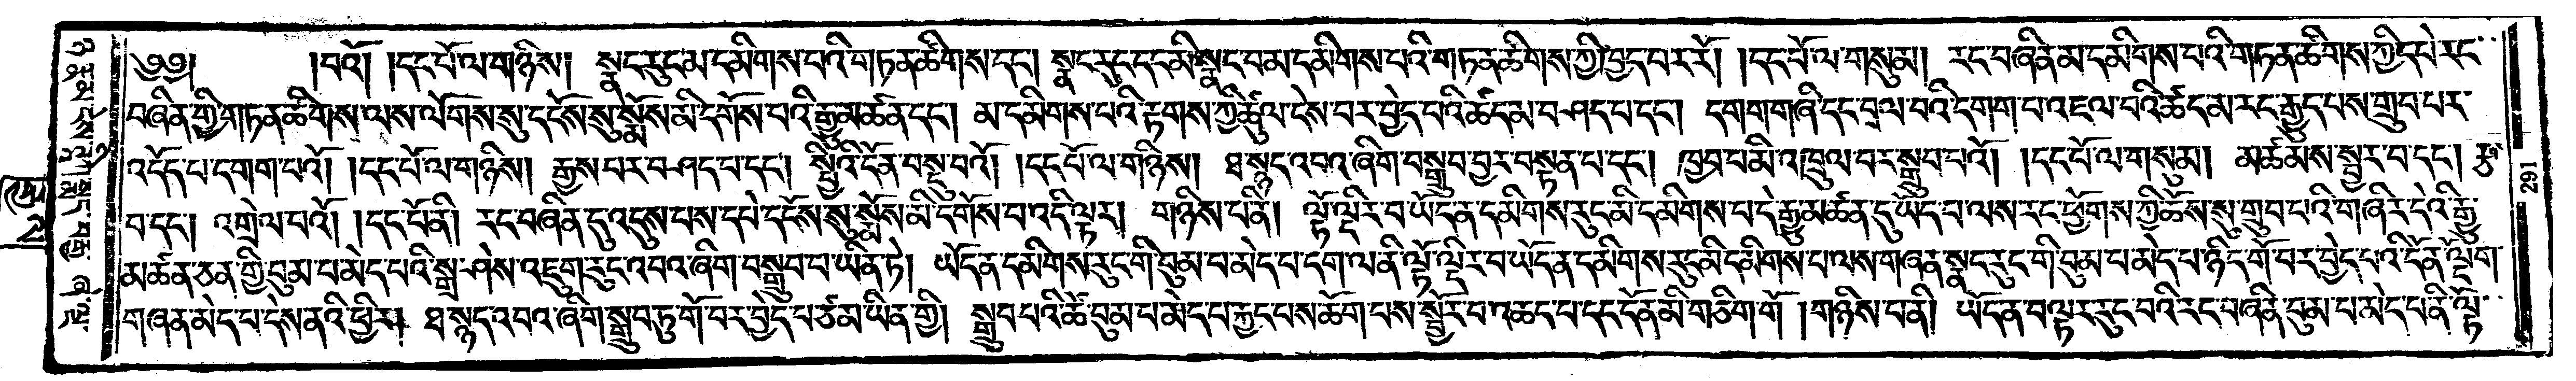༄༅། །བའོ། །དང་པོ་ལ་གཉིས། སྣང་རུང་མ་དམིགས་པའི་གཏན་ཚིགས་དང་། སྣང་རུང་དང་མི་སྣང་བམ་དམིགས་པའི་གཏན་ཚིགས་ཀྱི་ཁྱད་བར་རོ། །དང་པོ་ལ་གསུམ། རང་བཞིན་མ་དམིགས་པའི་གཏན་ཚིགས་ཀྱི་དཔེ་རང་
བཞིན་གྱི་གཏན་ཚིགས་ལས་ལོགས་སུ་དངོས་སུ་སྨོས་མི་དགོས་པའི་རྒྱུ་མཚན་དང་། མ་དམིགས་པའི་རྟགས་ཀྱི་ཚུལ་ངེས་བར་བྱེད་པའི་ཚད་མ་བཤད་པ་དང་། དགག་གཞི་དང་བྲལ་བའི་དགག་པ་འཇལ་བའི་ཚད་མ་རང་རྒྱུད་པས་གྲུབ་པར་
འདོད་པ་དགག་པའོ། །དང་པོ་ལ་གཉིས། རྒྱས་པར་བཤད་པ་དང་། སྤྱིའི་དོན་བསྡུ་བའོ། །དང་པོ་ལ་གཉིས། ཐ་སྙད་འབའ་ཞིག་བསྒྲུབ་བྱར་བསྟན་པ་དང་། ཁྱབ་པ་མི་འཁྲུལ་བར་སྒྲུབ་པའོ། །དང་པོ་ལ་གསུམ། མཚམས་སྦྱར་བ་དང་། རྩ་
བ་དང་། འགྲེལ་བའོ། །དང་པོ་ནི། རང་བཞིན་དུ་འདུས་པས་དཔེ་དངོས་སུ་སྨོས་མི་དགོས་པ་འདི་ལྟར། གཉིས་པ་ནི། ལྟོ་ལྡིར་བ་ཡོད་ན་དམིགས་རུང་མི་དམིགས་པ་དེ་རྒྱུ་མཚན་དུ་ཡོད་པ་ལས་རང་ཕྱོགས་ཀྱི་ཆོས་སུ་གྲུབ་པའི་གཞིར་དེའི་རྒྱུ་
མཚན་ཅན་གྱི་བུམ་པ་མེད་པའི་སྒྲ་ཤེས་འཇུག་རུང་འབའ་ཞིག་བསྒྲུབ་པ་ཡིན་ཏེ། ཡོད་ན་དམིགས་རུང་གི་བུམ་པ་མེད་པ་དག་ལ་ནི་ལྟོ་ལྡིར་བ་ཡོད་ན་དམིགས་རུང་མི་དམིགས་པ་ལས་གཞན་སྣང་རུང་གི་བུམ་པ་མེད་པ་ཉིད་གོ་བར་བྱེད་པའི་དོན་ལྡོག་
གཞན་མེད་པ་དེས་ནའི་ཕྱིར། ཐ་སྙད་འབའ་ཞིག་སྒྲུབ་ཏུ་གོ་བར་བྱེད་པ་ཙམ་ཡིན་གྱི། སྒྲུབ་པའི་ཚེ་བུམ་པ་མེད་པ་རྐྱང་པས་ཆོག་པས་སྦྱོར་བ་འཆང་པ་དང་དོན་མི་གཅིག་གོ །གཉིས་པ་ནི། ཡོད་ན་བལྟར་རུང་བའི་རང་བཞིན་བུམ་པ་མེད་པ་ནི་ལྟོ་